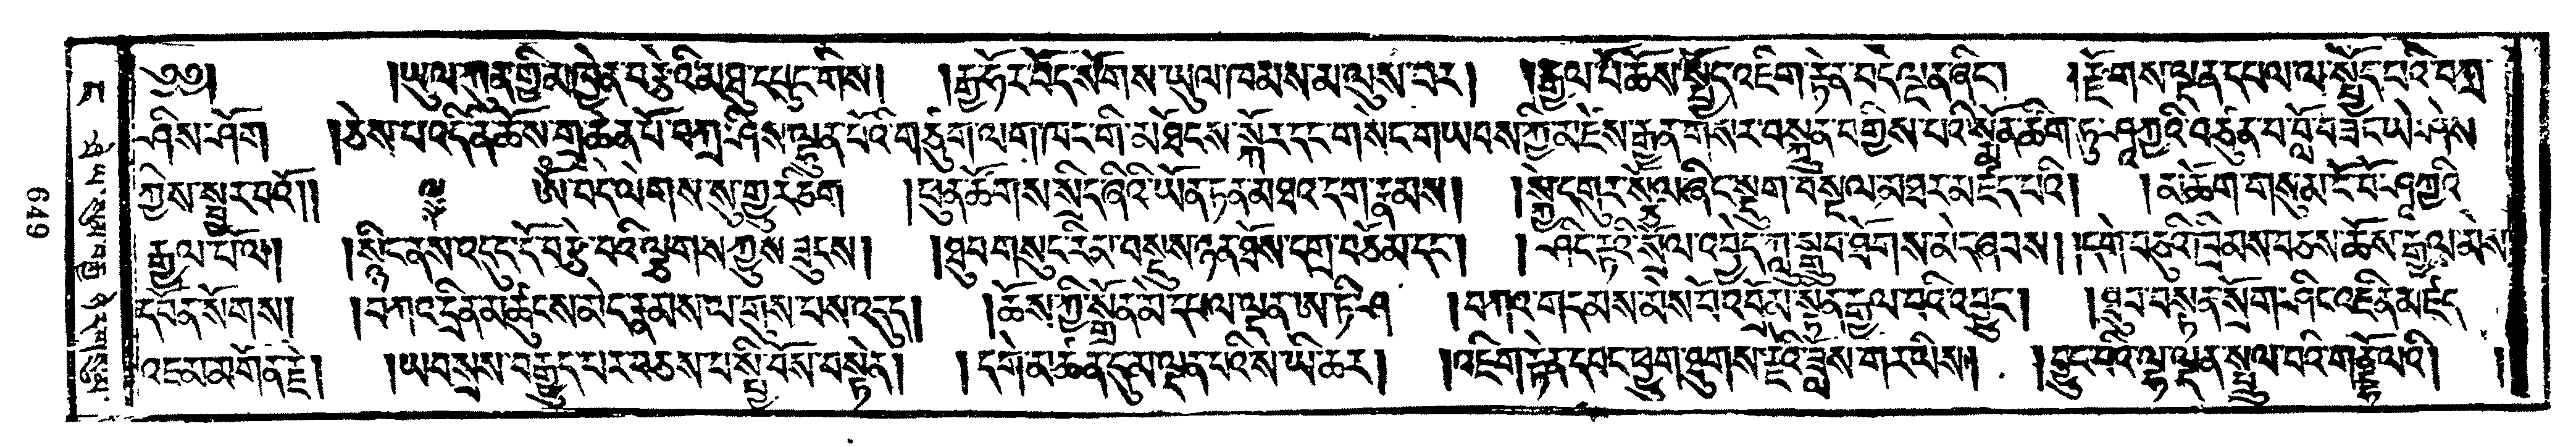༄༅། །ཡུལ་ཀུན་གྱི་མཁྱེན་བརྩེའི་མཐུ་དཔུང་གིས། །རྒྱ་ཧོར་བོད་སོགས་ཡུལ་ཁམས་མ་ལུས་བར། །རྒྱལ་པོ་ཆོས་སྤྱོད་འཇིག་རྟེན་བདེ་ལྡན་ཞིང་། །རྫོགས་ལྡན་དཔལ་ལ་སྤྱོད་པའི་བཀྲ་
ཤིས་ཤོག །ཅེས་པ་འདི་ནི་ཆོས་གྲྭ་ཆེན་པོ་བཀྲ་ཤིས་ལྷུན་པོའི་གཙུག་ལག་ཁང་གི་མཐོངས་སྐོར་དང་གསེར་གཡབས་ཀྱི་མཛེས་རྒྱན་གསར་བསྐྲུན་བགྱིས་པའི་སྨོན་ཚིག་ཏུ་ཤཱཀྱའི་བཙུན་པ་བློ་བཟང་ཡེ་ཤེས་
ཀྱིས་སྦྱར་བའོ།། ༈ ཨོཾ་བདེ་ལེགས་སུ་གྱུར་ཅིག །ཕུན་ཚོགས་སྲིད་ཞིའི་ཡོན་ཏན་མཐའ་དག་རྣམས། །སྐྱེ་དགུར་སྩོལ་ཞིང་སྡུག་བསྔལ་མཐར་མཛད་པའི། །མཆོག་གསུམ་ངོ་བོ་ཤཱཀྱའི་
རྒྱལ་པོ་ལ། །སྙིང་ནས་འདུད་དོ་བརྩེ་བའི་ལྕགས་ཀྱུས་ཟུངས། །ཐུབ་གསུང་རིམ་བསྡུས་ཉན་ཐོས་དགྲ་བཅོམ་དང་། །ཤིང་རྟའི་སྲོལ་འབྱེད་ཀླུ་སྒྲུབ་ཐོགས་མེད་ཞབས། །དགེ་བཅུའི་ཁྲིམས་བཅས་ཆོས་རྒྱལ་མེས་
དབོན་སོགས། །བཀའ་དྲིན་མཚུངས་མེད་རྣམས་ལ་གུས་པས་འདུད། །ཆོས་ཀྱི་སྒྲོན་མེ་དཔལ་ལྡན་ཨ་ཏི་ཤ་།བཀའ་གདམས་མེས་བོ་འབྲོམ་སྟོན་རྒྱལ་བའི་འབྱུང་། །ཐུབ་བསྟན་སྲོག་ཤིང་འཛིན་མཛད་
འཇམ་མགོན་རྗེ། །ཡབ་སྲས་བརྒྱུད་པར་བཅས་པ་སྤྱི་བོས་བསྟེན། །དགེ་མཚན་དུ་མ་ལྡན་པའི་ས་ཡི་ཆར། །འཇིག་རྟེན་དབང་ཕྱུག་ཐུགས་རྗེའི་ཟློས་གར་ཡིས། །བྱུང་བའི་ལྷ་ལྡན་སྤྲུལ་བའི་གནྡྷོ་ལའི། །